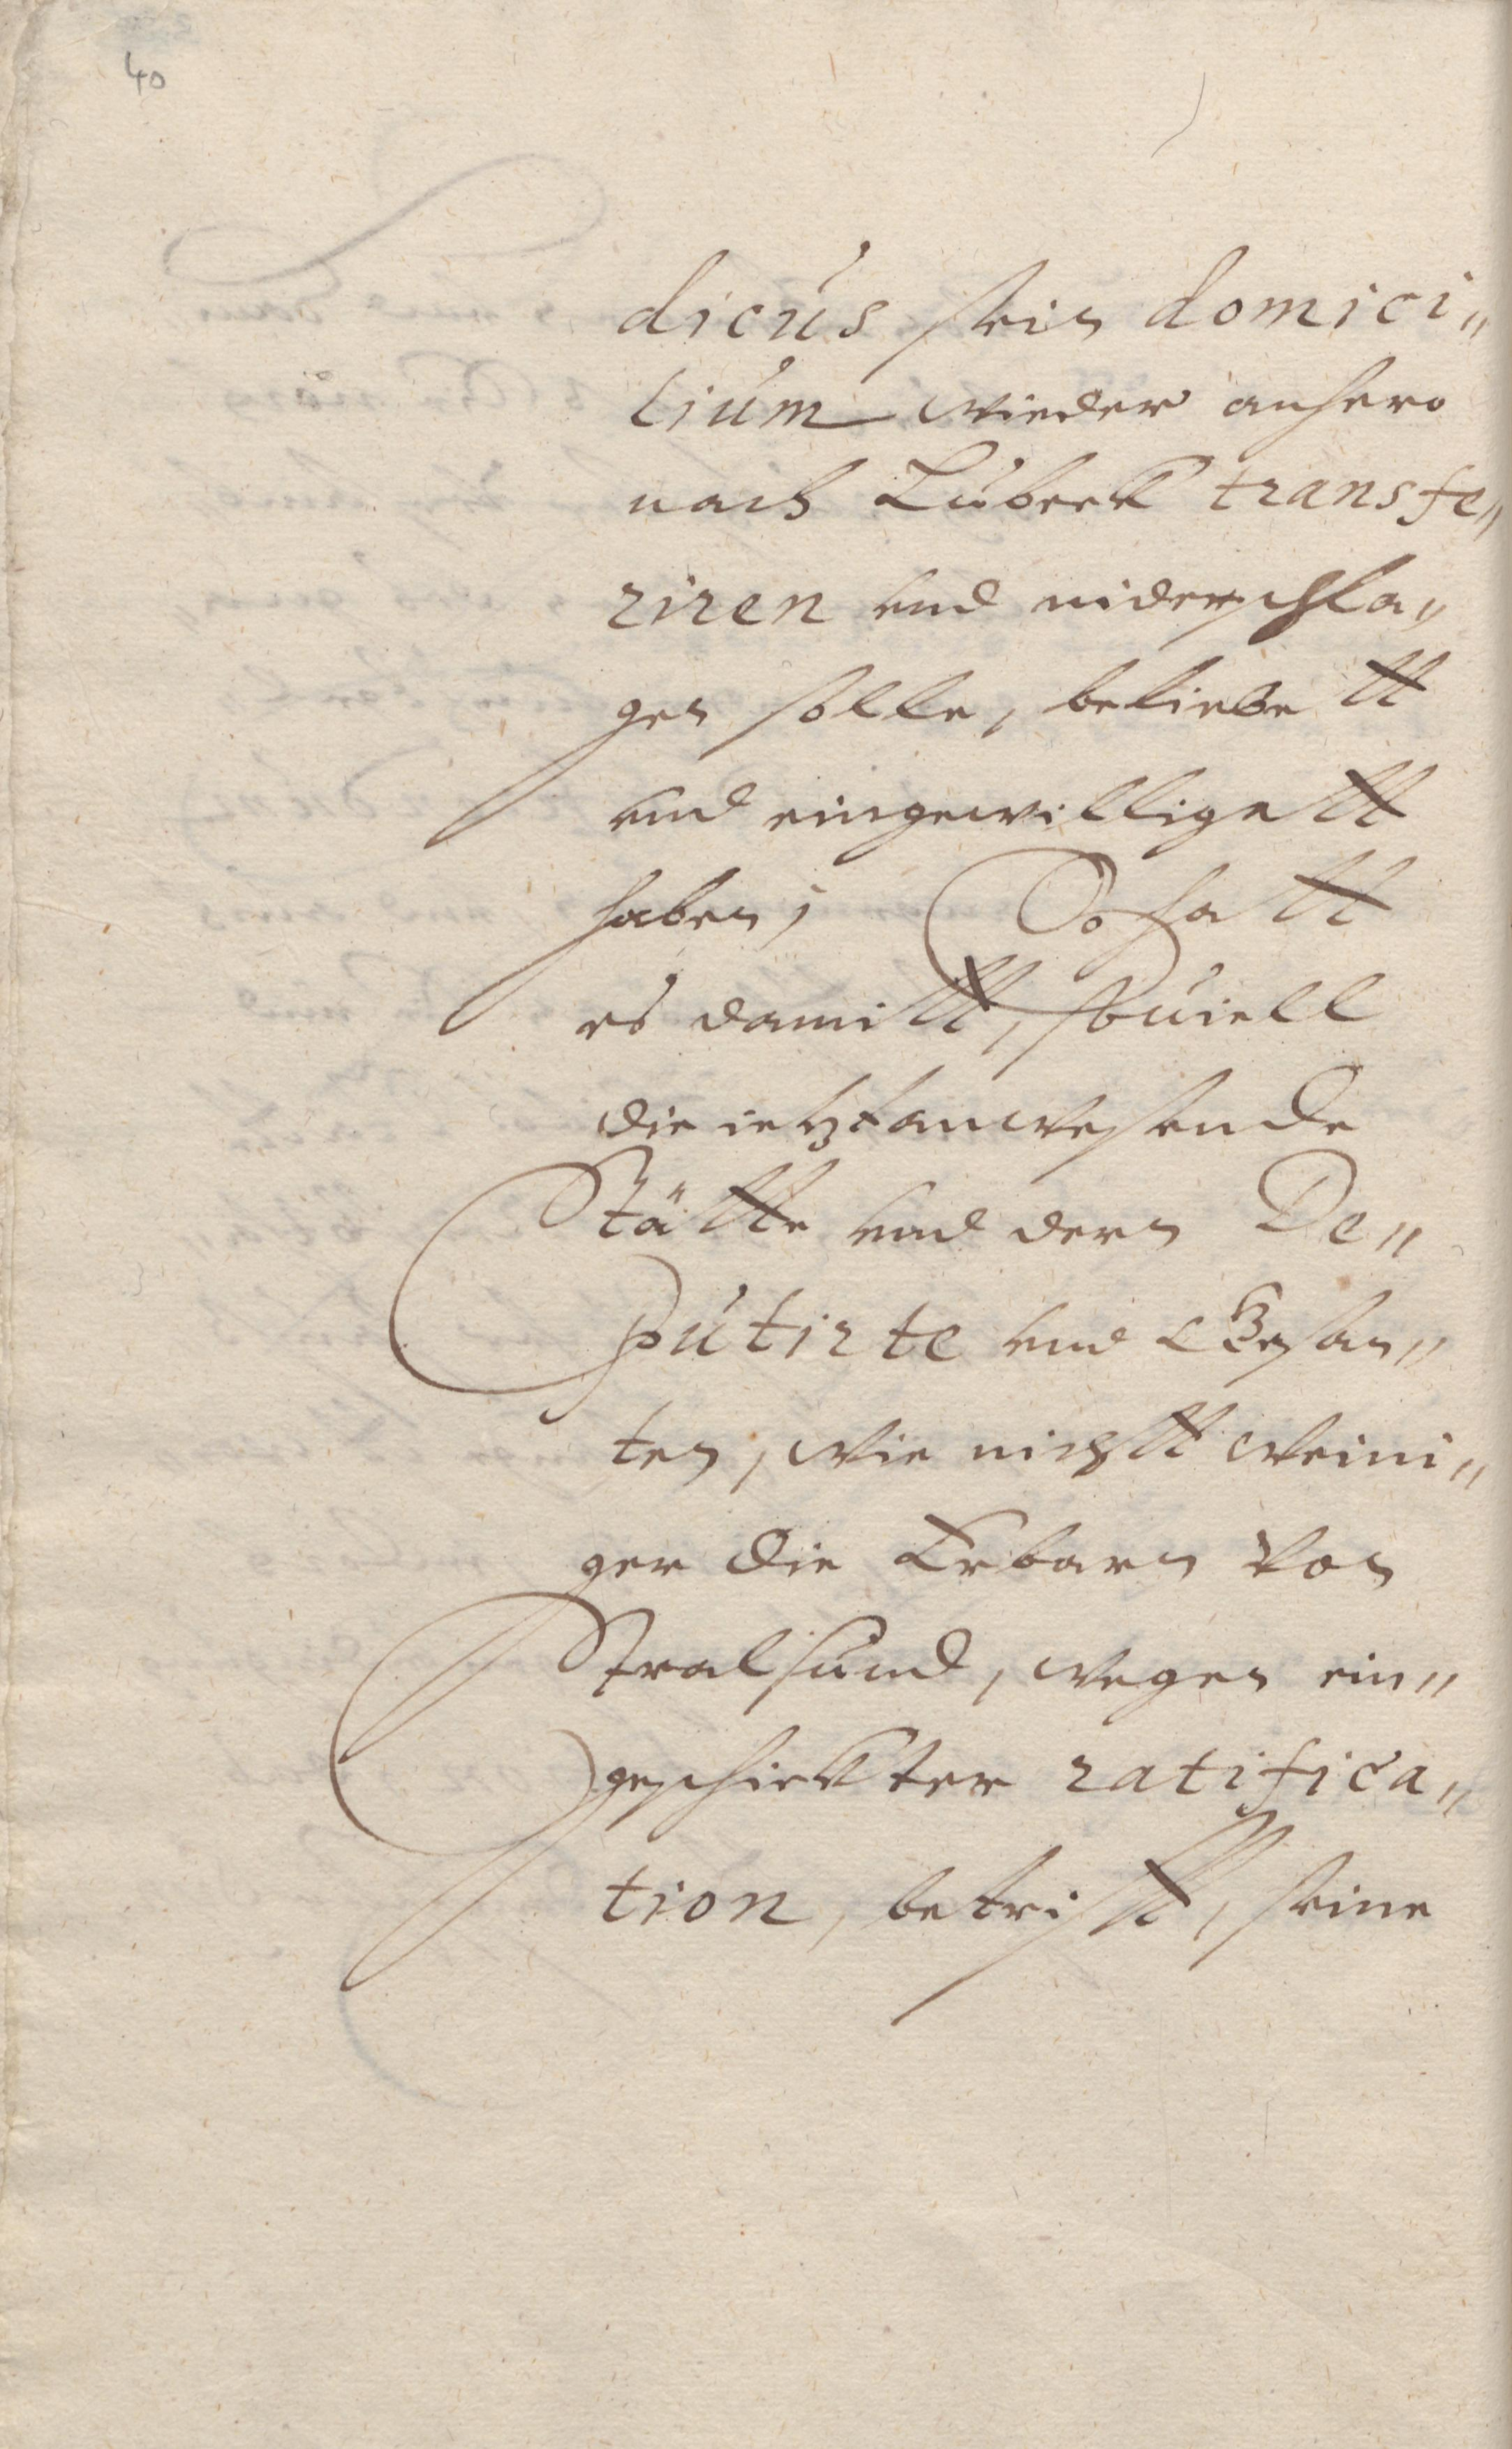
dicus sein domici¬
lium wieder anhero
nach Lubeck transfe¬
riren vnd niderschla¬
gen solle, beliebett
vnd eingewilligett
haben; So hatt
es damitt, souiell
die itztanwesende
Stätte vnd dern De¬
putirte vnd Gesan¬
ten, wie nichtt weini¬
ger die Erbarn von
Stralsund, wegen ein¬
geschickter ratifica¬
tion, betrifft, seine
